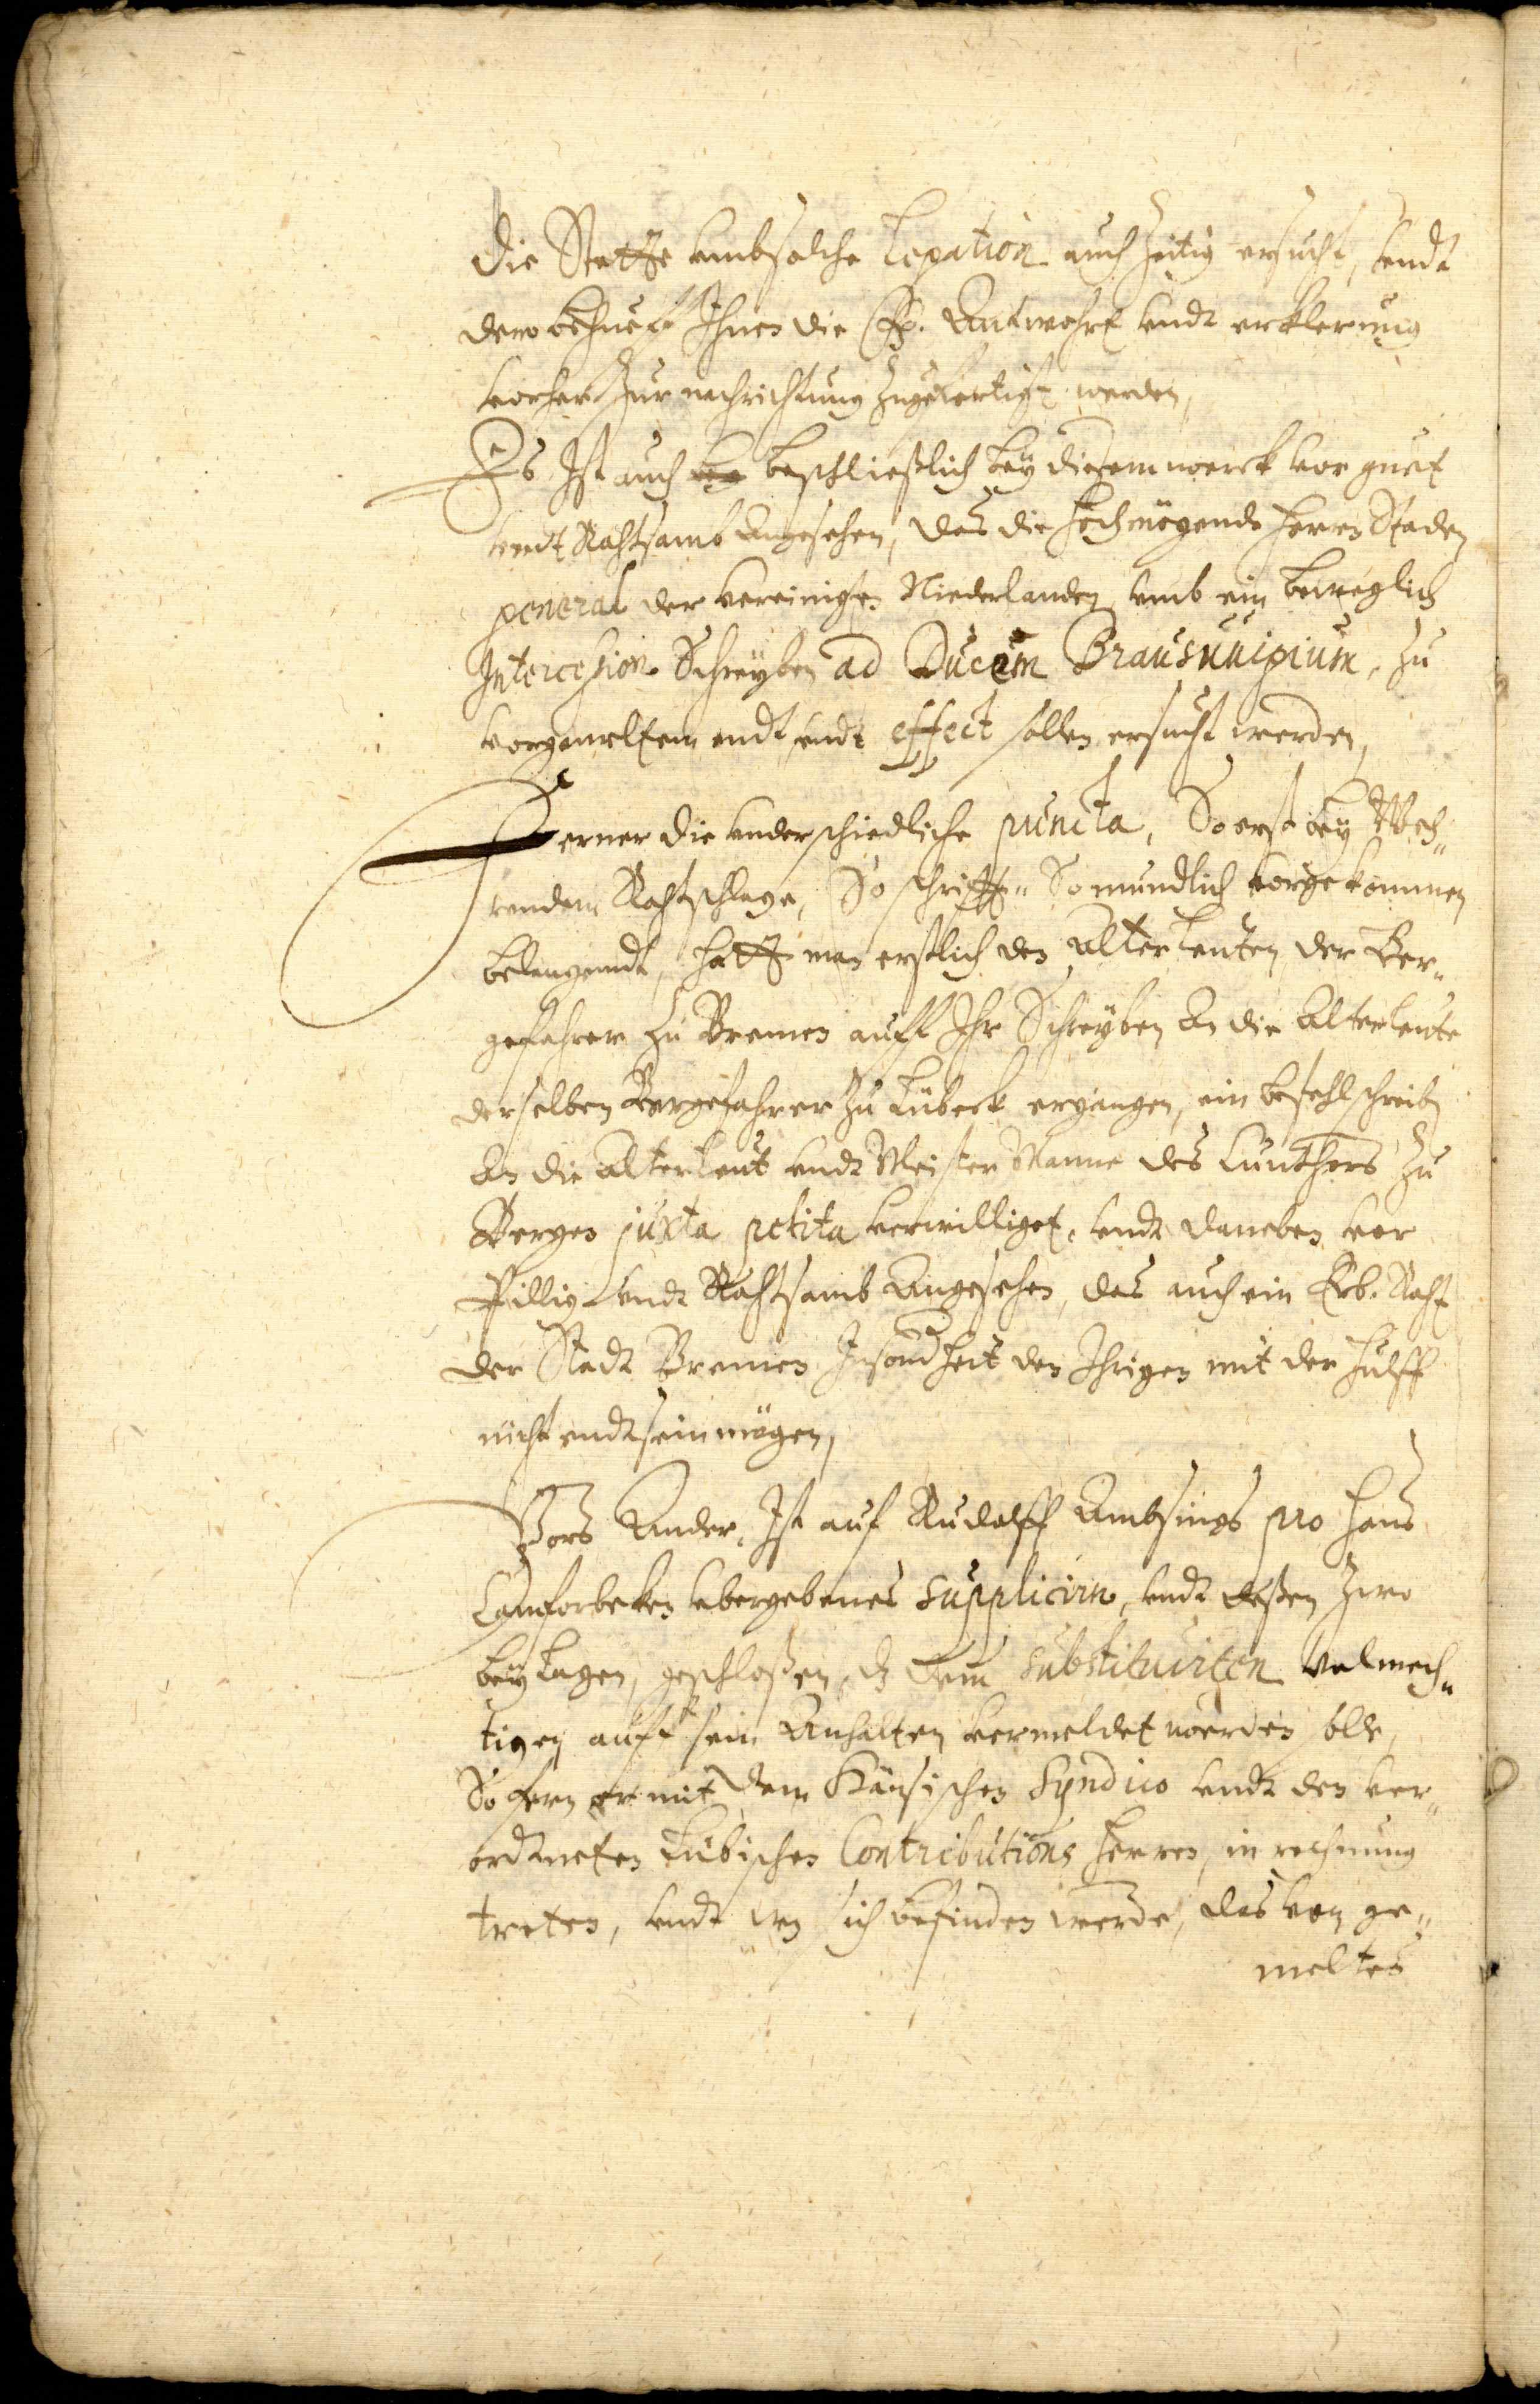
die Stette vmbsolche Legation auch zeitig ersucht, vndt
dero behueff Ihren die F. antwohrt vndt erklerung
vorher zur nachrichtung zugefertigt werden,
Es ist auch beg beschließlich beij diesem werck vor guet
vndt Rahtsamb angesehen, das die hochmögende herren Staden
General der Vereinigten Niedelanden, vmb ein beweglich
Intercession Schreijben ad Ducem Brausuuigium, zu
vorgemeltem endt vndt effect sollen ersucht werden,
Immer die vnderschiedliche puncta, So erst beij Weh¬
rendem Rahtschlage, So schrifft- So mundlich vorgekommen
belangendt, hatt man erstlich den alter Leuten der Ber¬
gefahrer zu Bremen auff Ihr Schreijben an die Alterleute
derselben Bergefahrer zu Lübeck ergangen, ein befehlschreiben
an die Alterleut vndt Meister Manne des Cunthors zu
Bergen juxta petita verwilliget, vndt daneben vor
Pillig vndt Rahtsamb angesehen, das auch ein Erb. Raht
der Stadt Bremen insonderheit den Ihrigen mit der hulff
nicht endtsein mögen,
Vors Ander, Ist auf Rudolff Ambsings pro Hans
Camforbeken vbergebenes supplicirn, vndt deßen zwo
beijlagen, geschloßen, den dem substituirten Volmech¬
tigen auff sein anhalten vermeldet worden solle,
so fern er mit dem Hänsischen Syndico vndt den ver¬
ordtneten Lübischen Contributions herren in rechnung
treten, vndt wen sich befinden werde, das von ge¬
meltes
